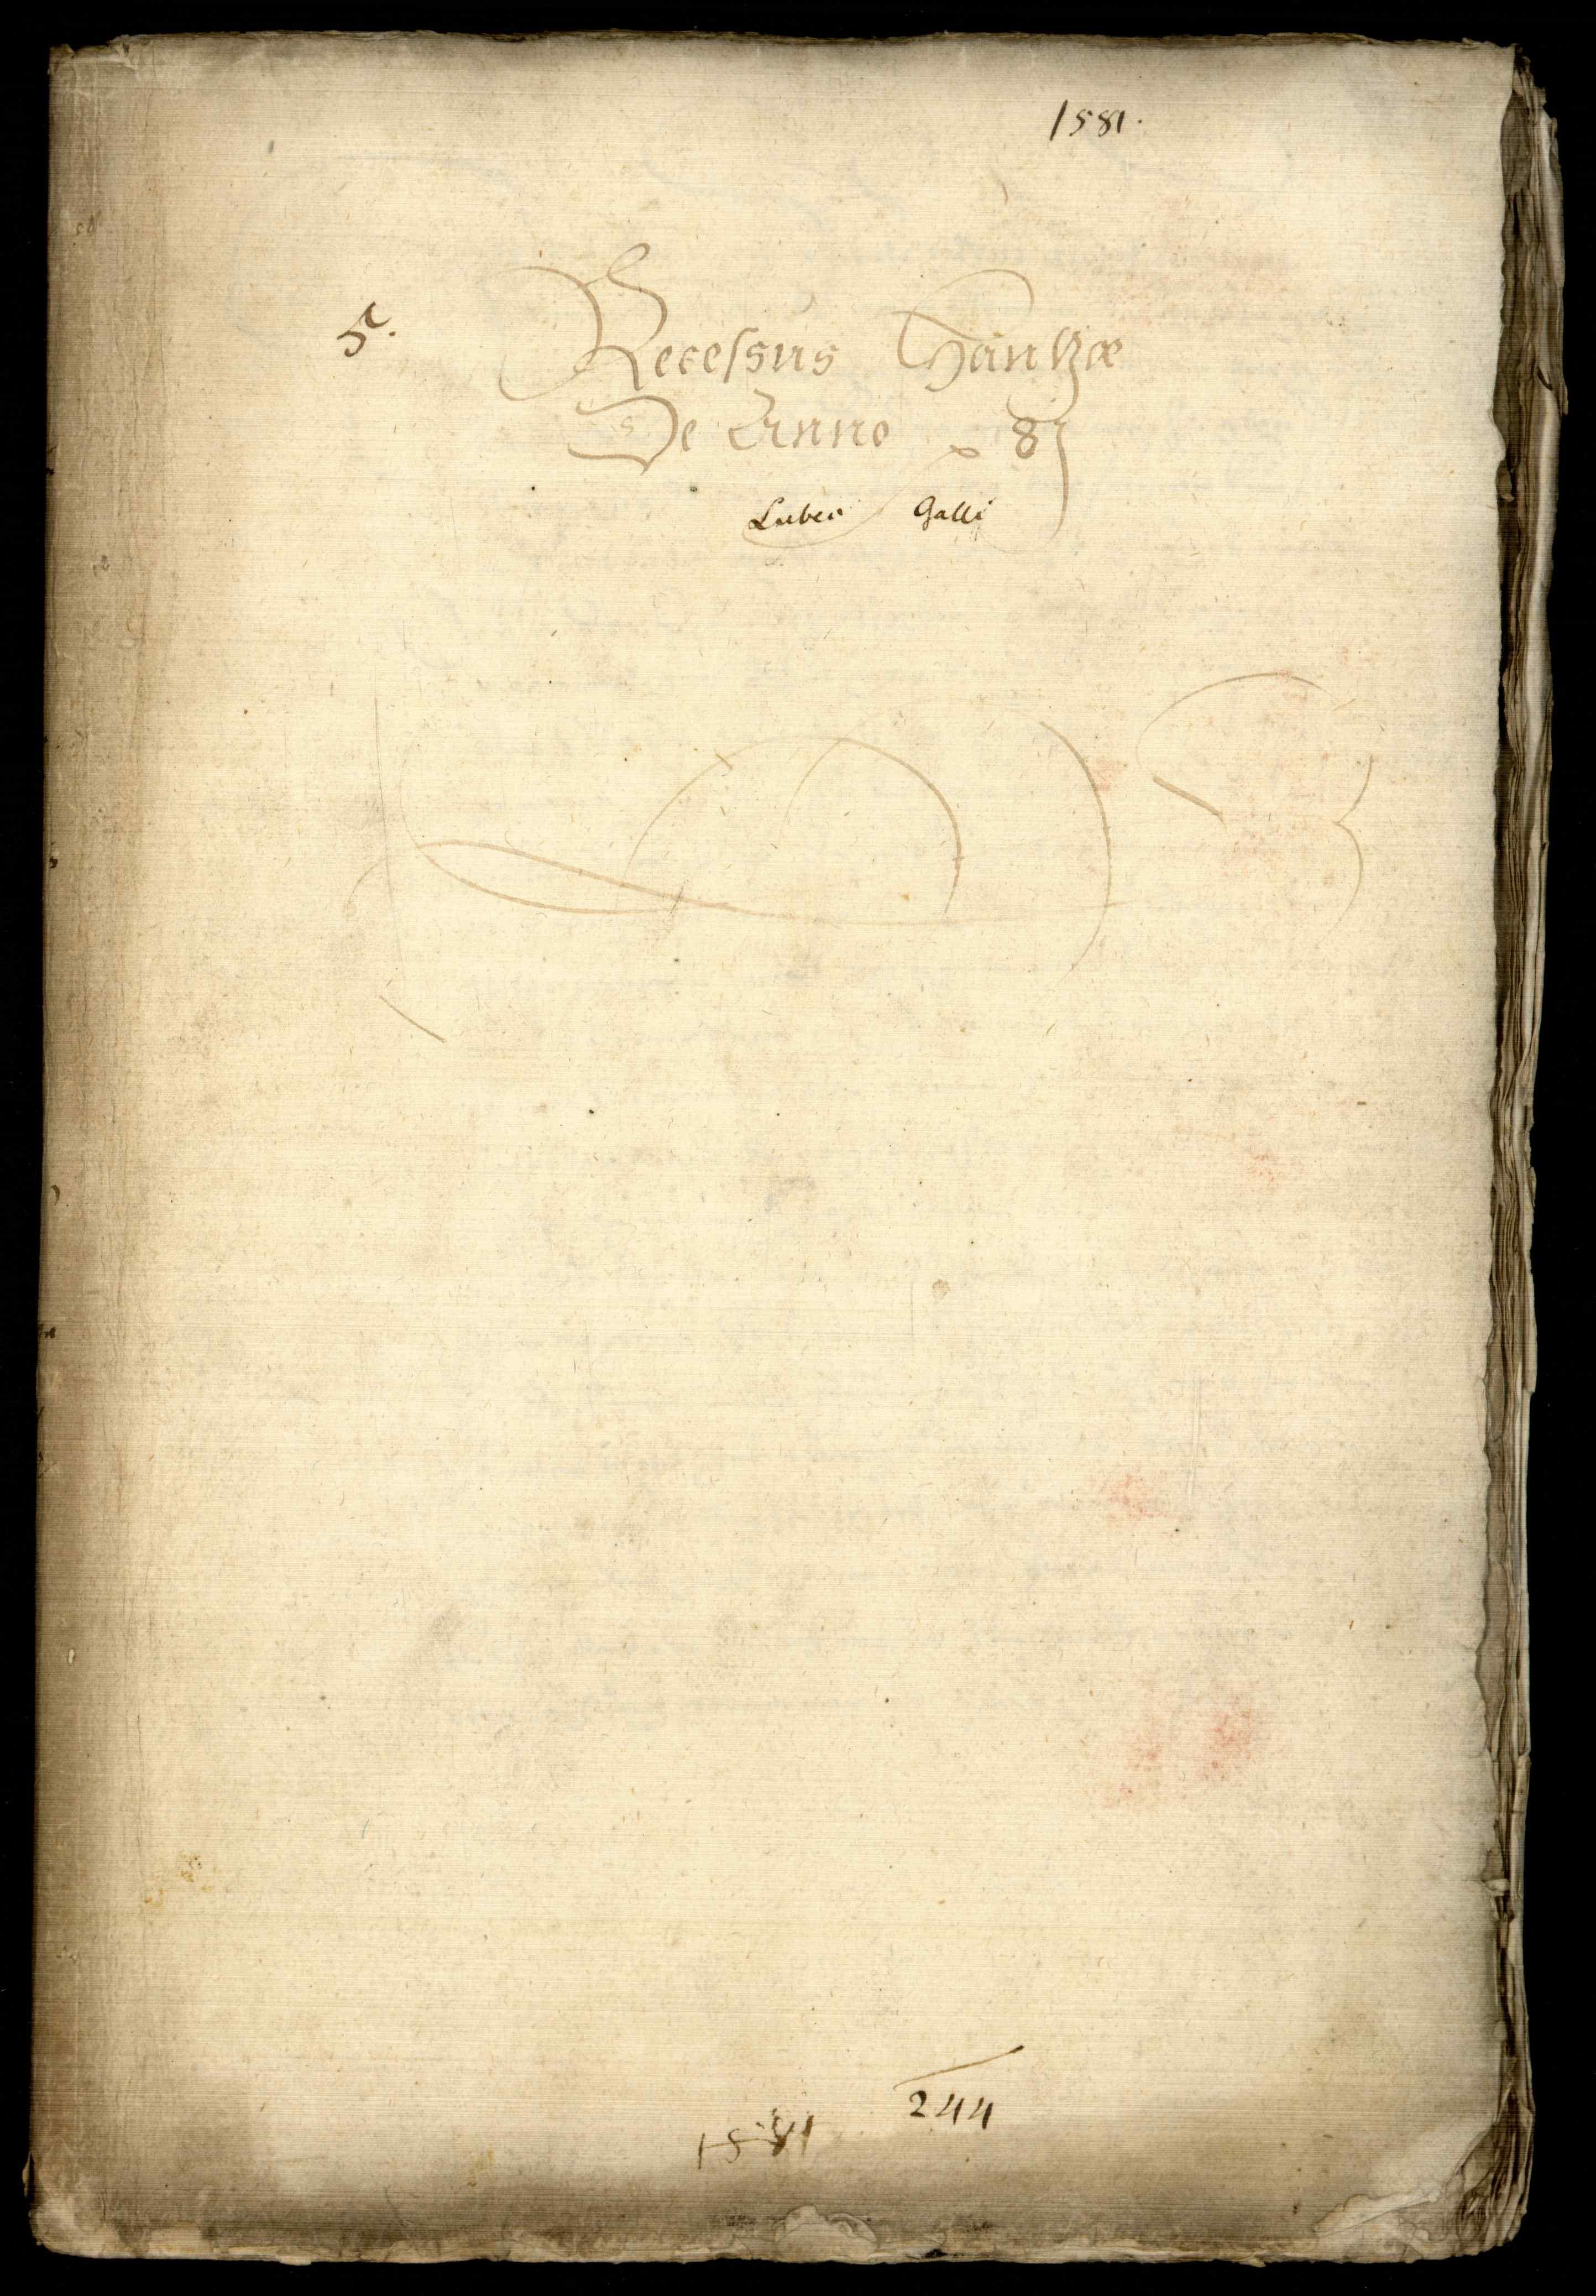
1581
5.
Recessus Hantzae
De Anno p 81
Lubec Galli
1581
244
